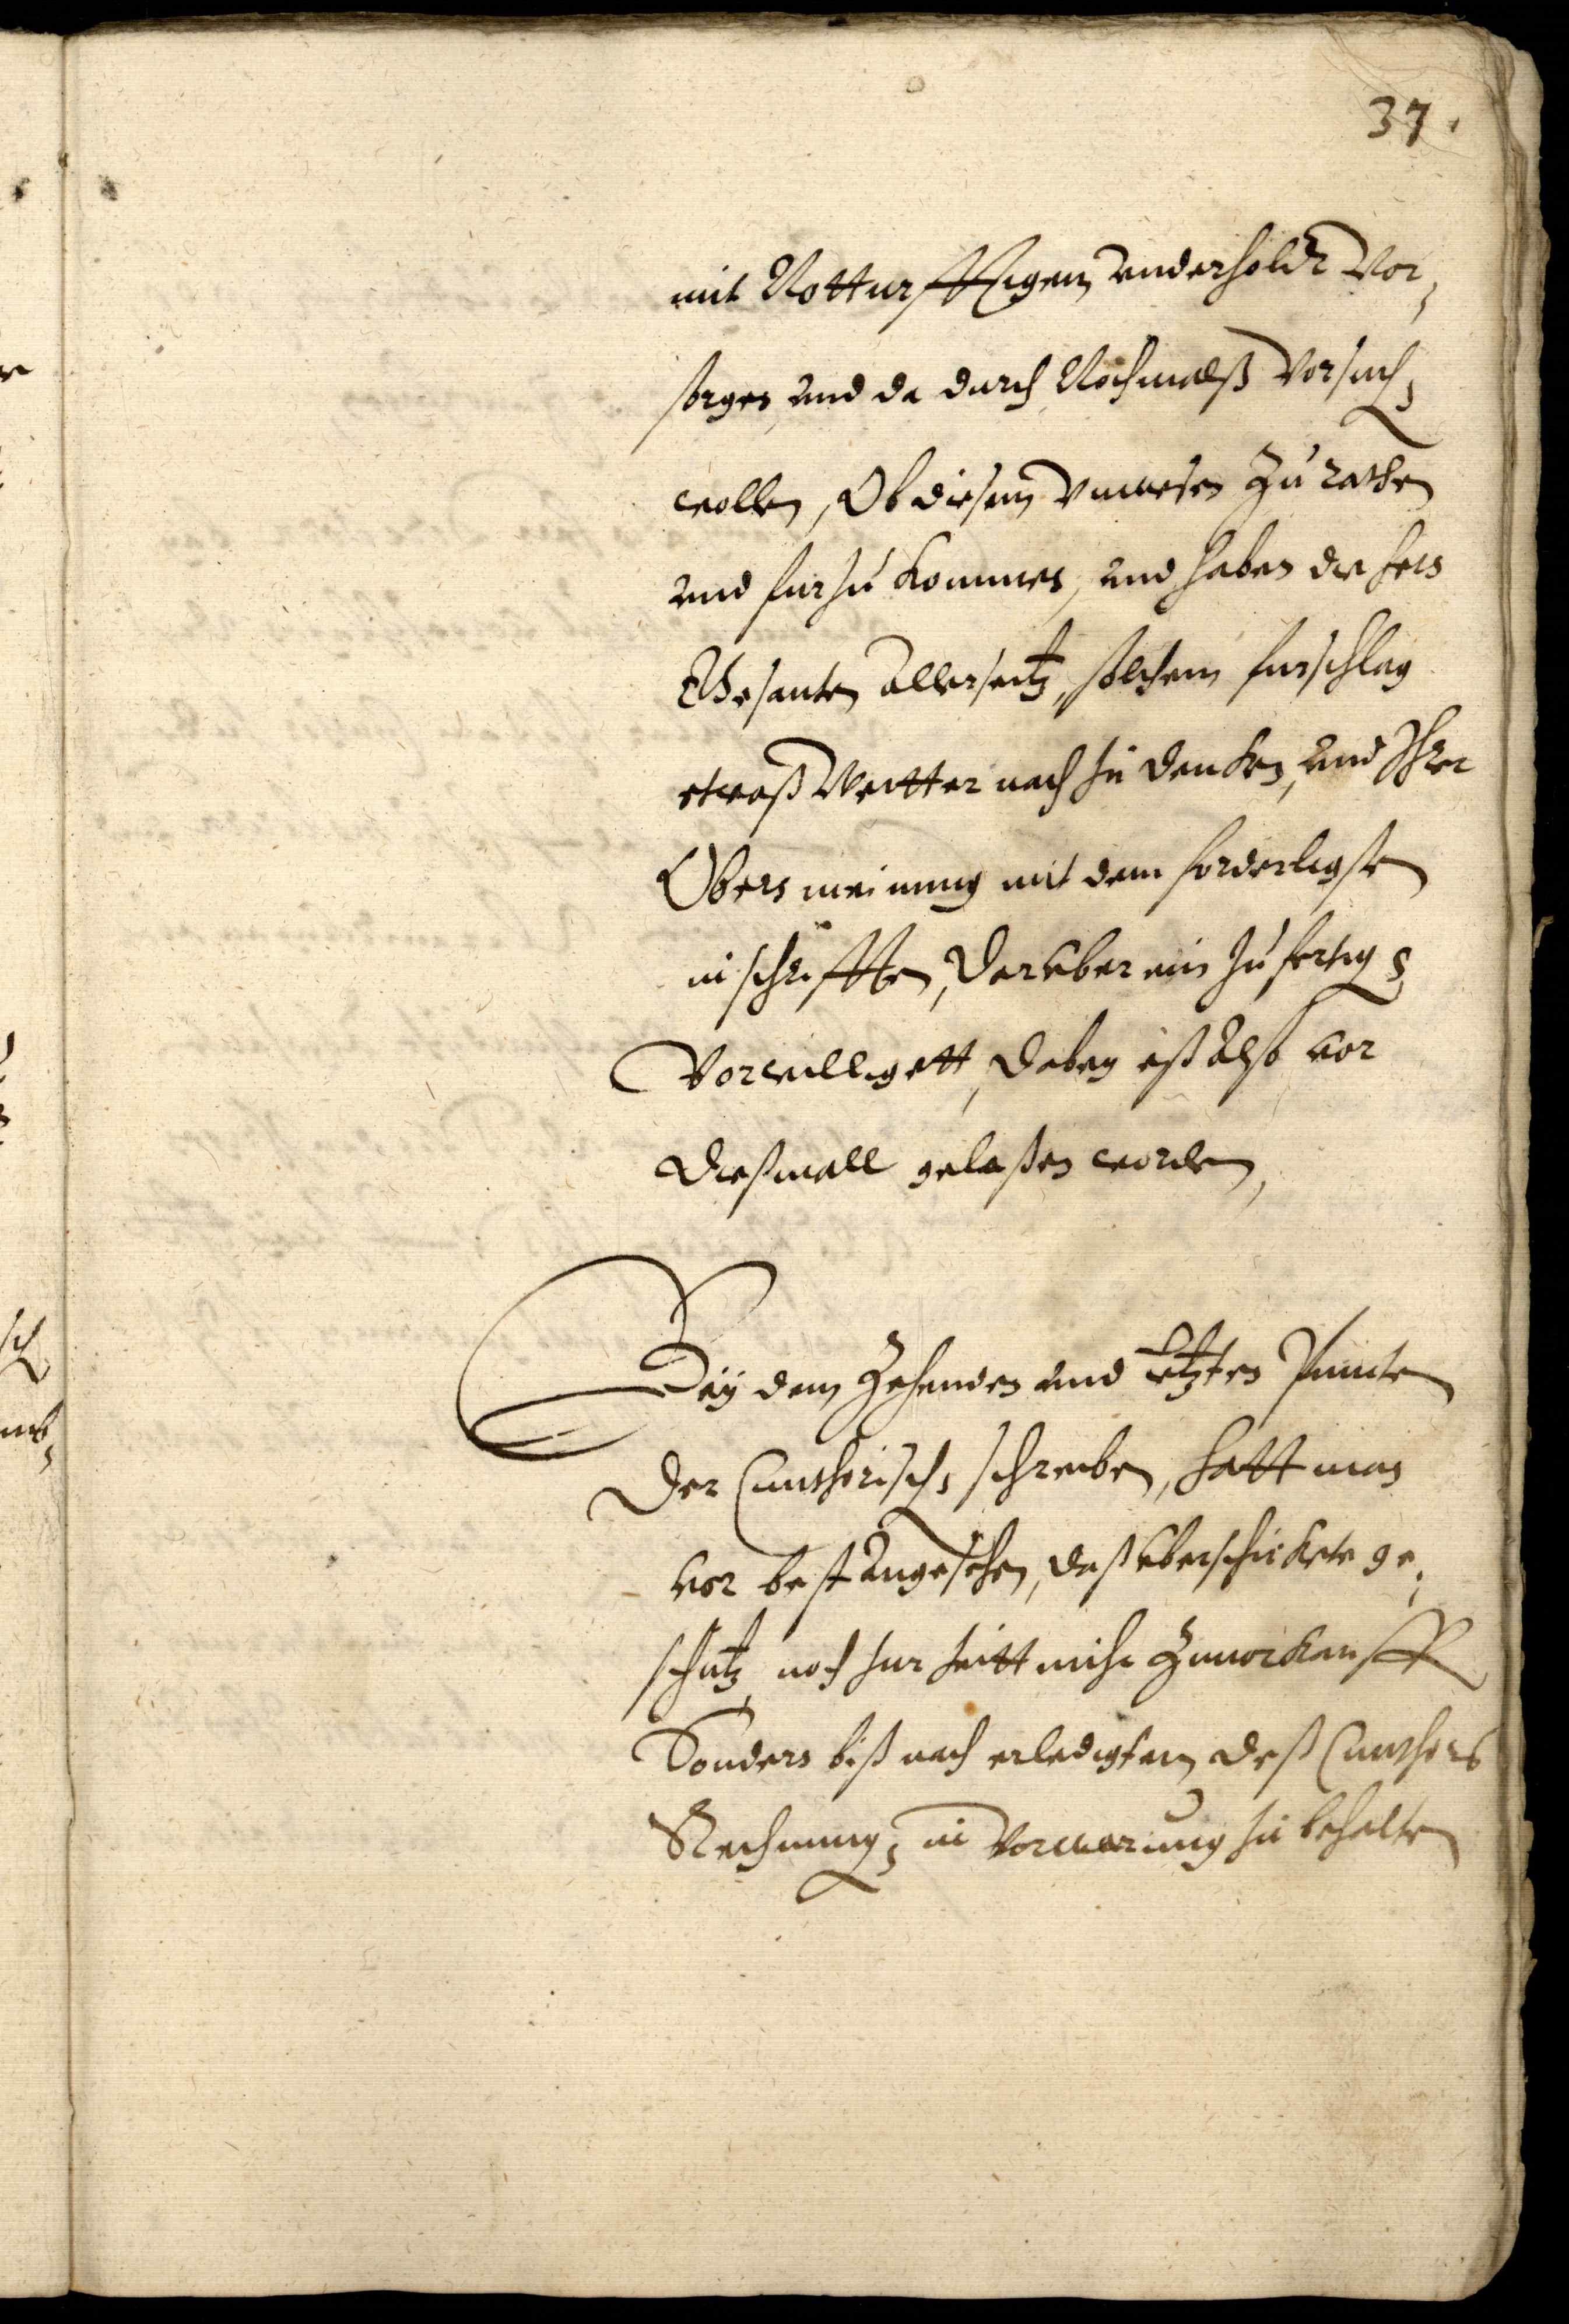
37.
mit Notturfftigem vnderholdt vor¬
sorgen vnd da durch Nochmalß vorsuchen
wollen, Ob diesem vnwesen zu rathen
vnd furzukommen,vnd haben die hern
Gesanten Allerseitz, solchem furschlag
etwaß Weitter nachzudenken, vnd Ihren
Obern meinung mit dem furderletzsten
in schritten, darvber einzusetzen
vorwilligett, dabeij eß Also vor
dießmall gelaßen worden,
Beij dem zehenden vnd Letzten Puncten
der Cunthorischen schreiben, hatt man
vor best Angesehen, daß vberschickete ge¬
schutz noch zur zeitt niht zuuerkauffen
Sondern biß nach erledigten deß Cunthors
Rechnungen in vor???rung zu behalten
